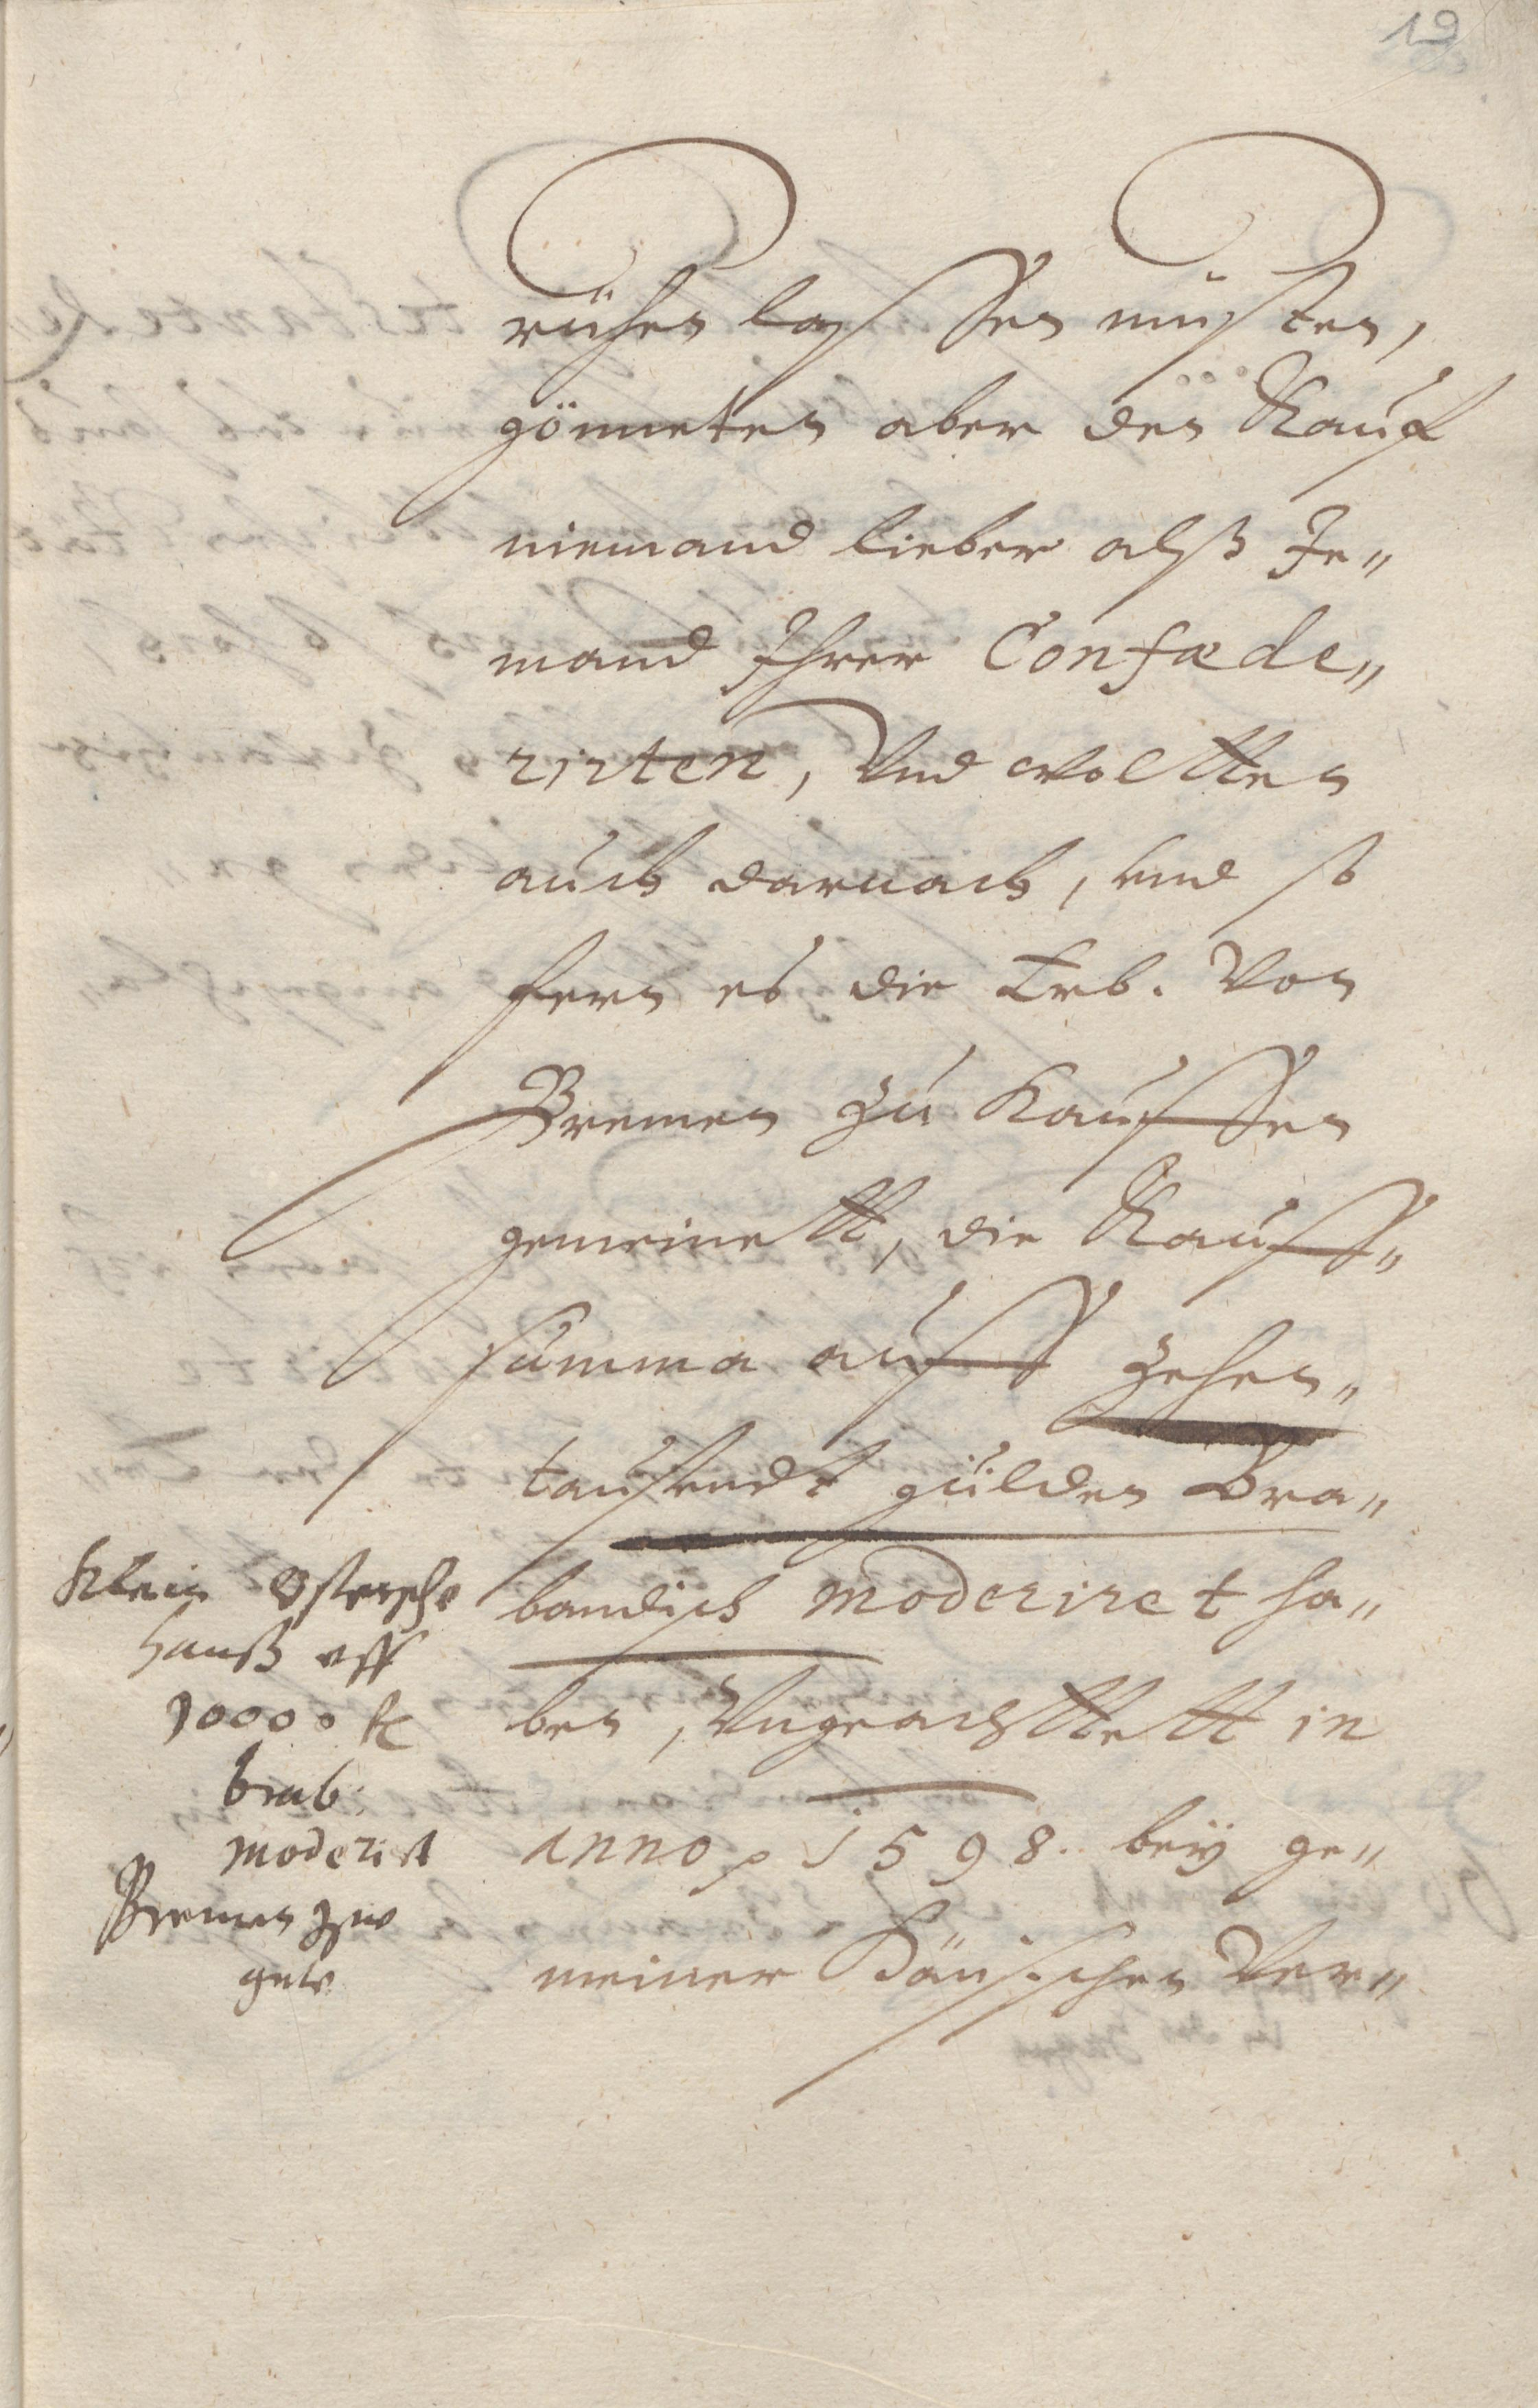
rühen lassen müsten,
gönneten aber den Kauf
niemand lieber alß Ie¬
mand Ihrer Confoede¬
rirten, vnd woltten
auch darnach, vnd so
fern es die Erb. von
Bremen zu kauffen
gemeinett, die Kauff¬
summa auff zehen¬
tausendt gulden Bra¬
bandisch moderiret ha¬
ben, Vngeachttett in
Anno p 1598. beij ge¬
meiner Hänsischen Ver¬
klein Ostersche
hauß vff
1000 fl.
brab:
moderirt
Bremen zue
gute
